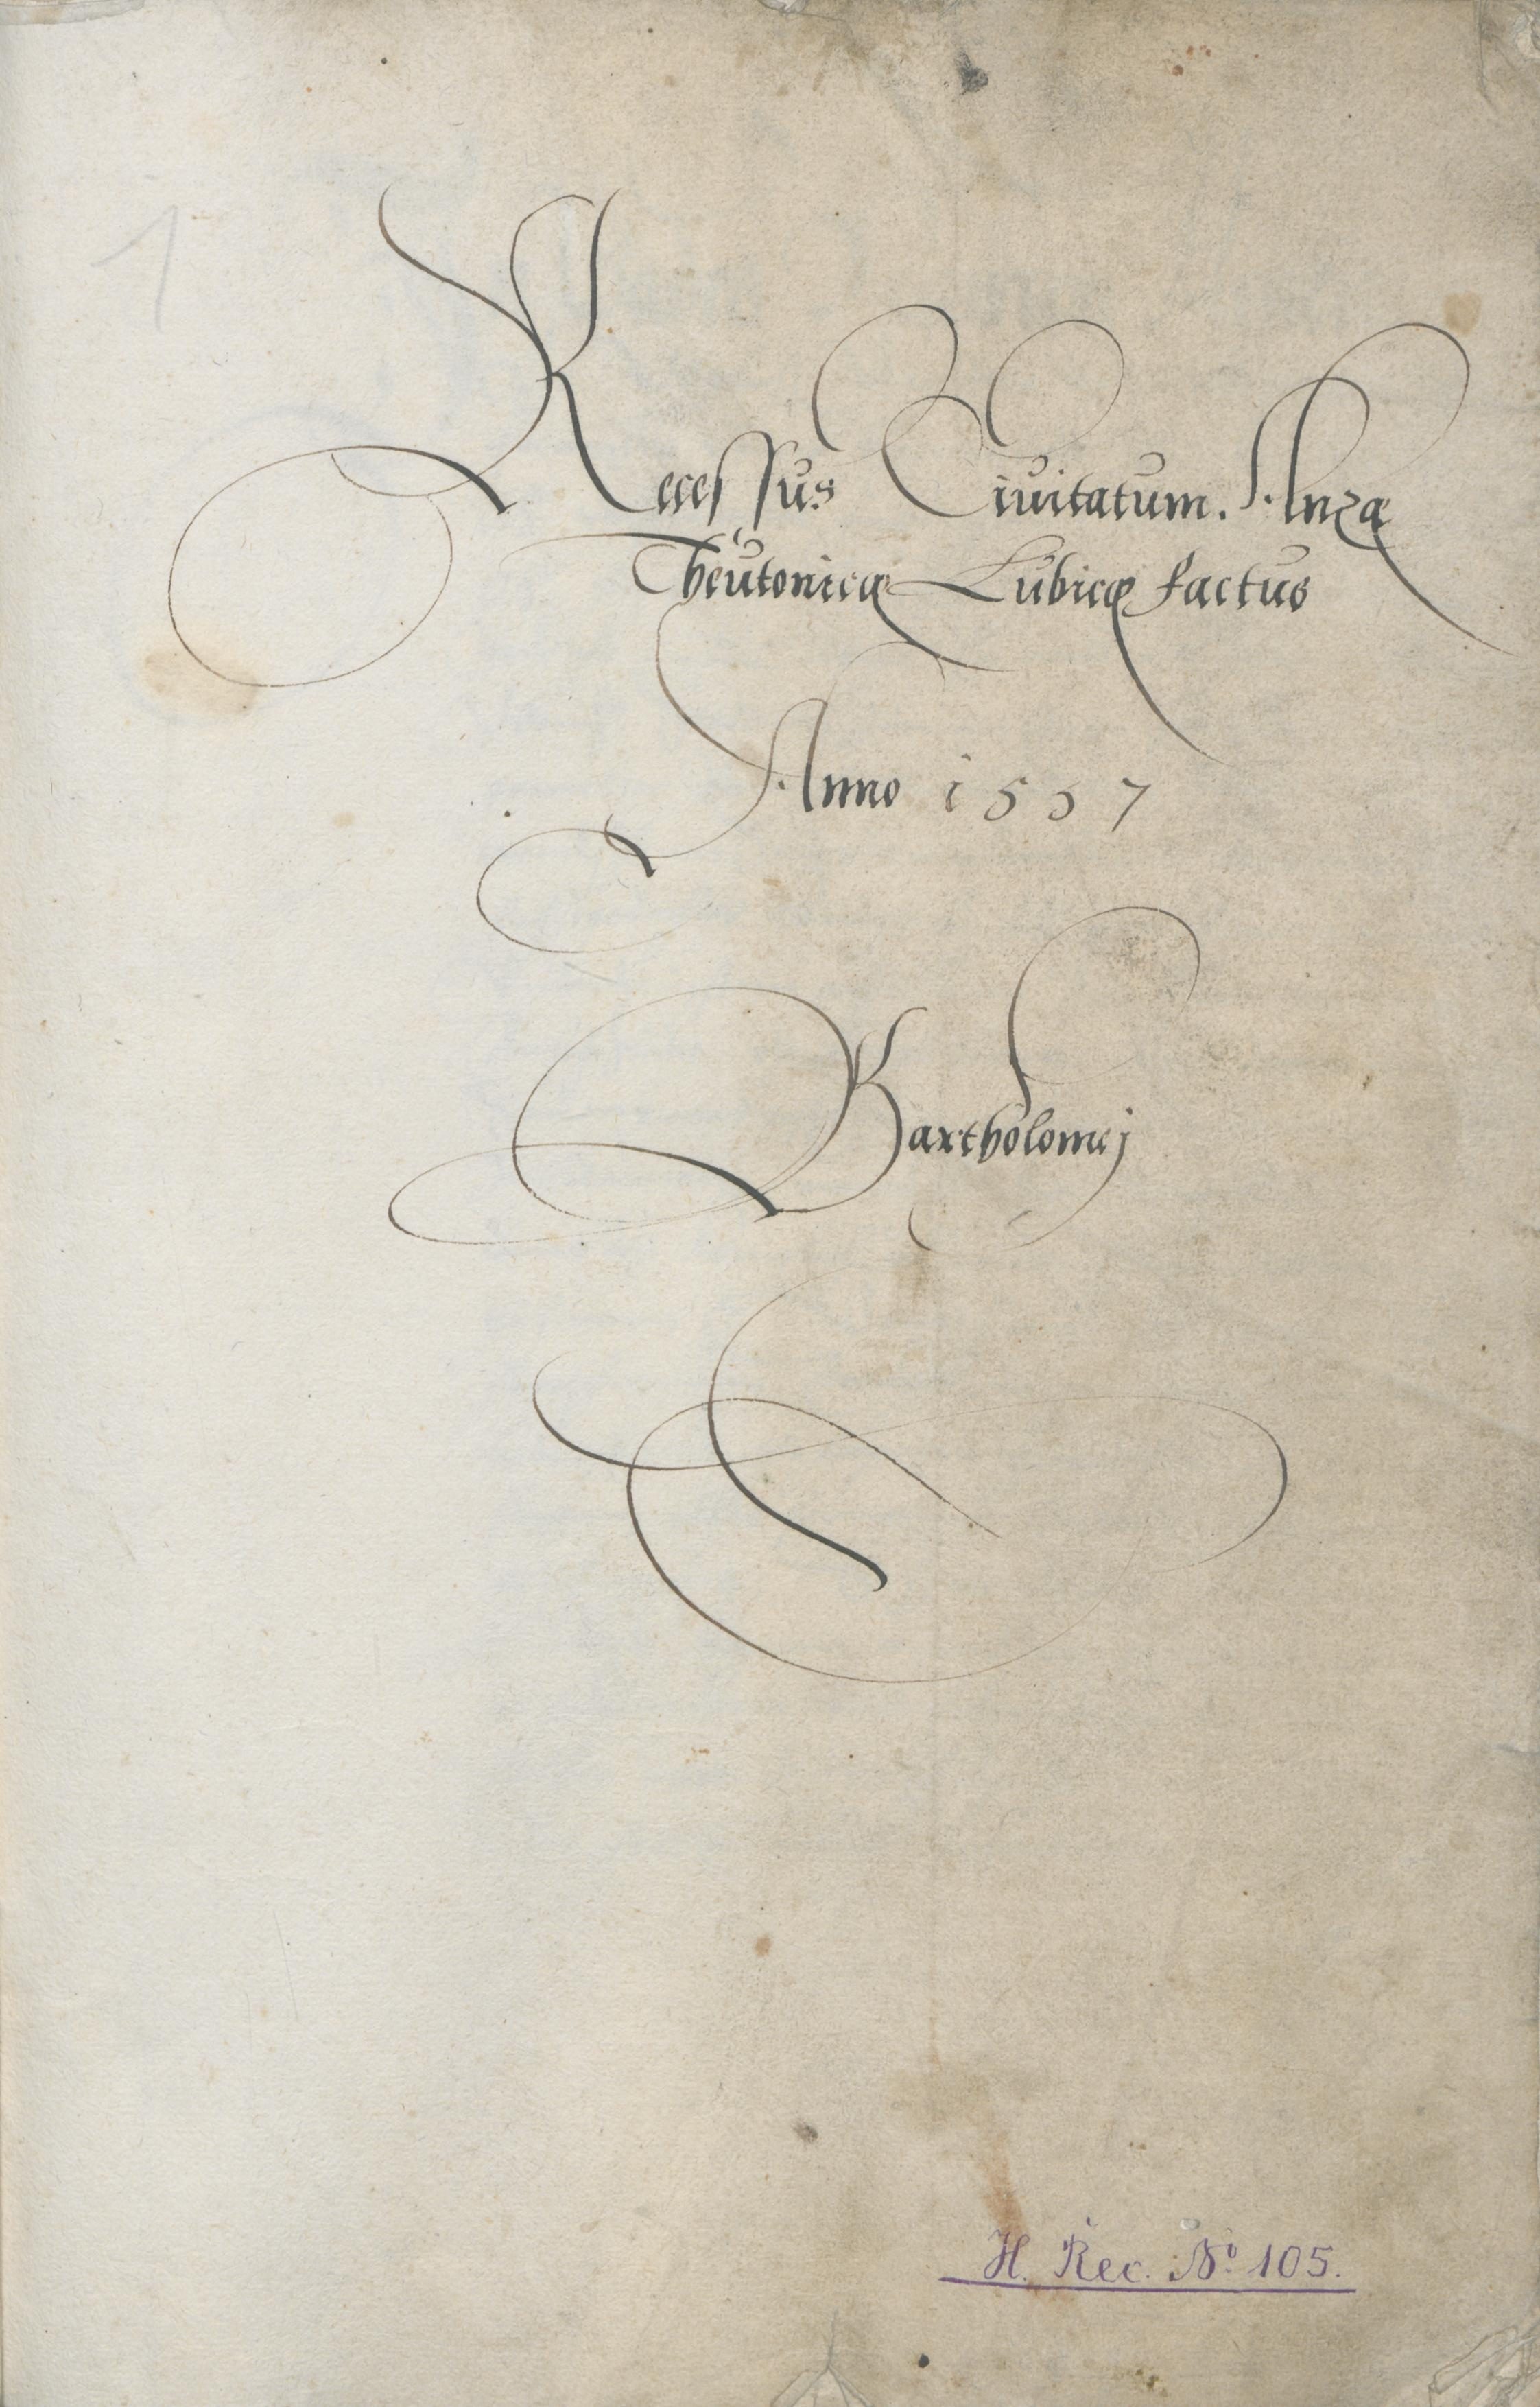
Recessus Ciuitatum Anzae
Theutonicae Lubicae factus
Anno 1557
Bartholomei
H. Rec. No. 105.
